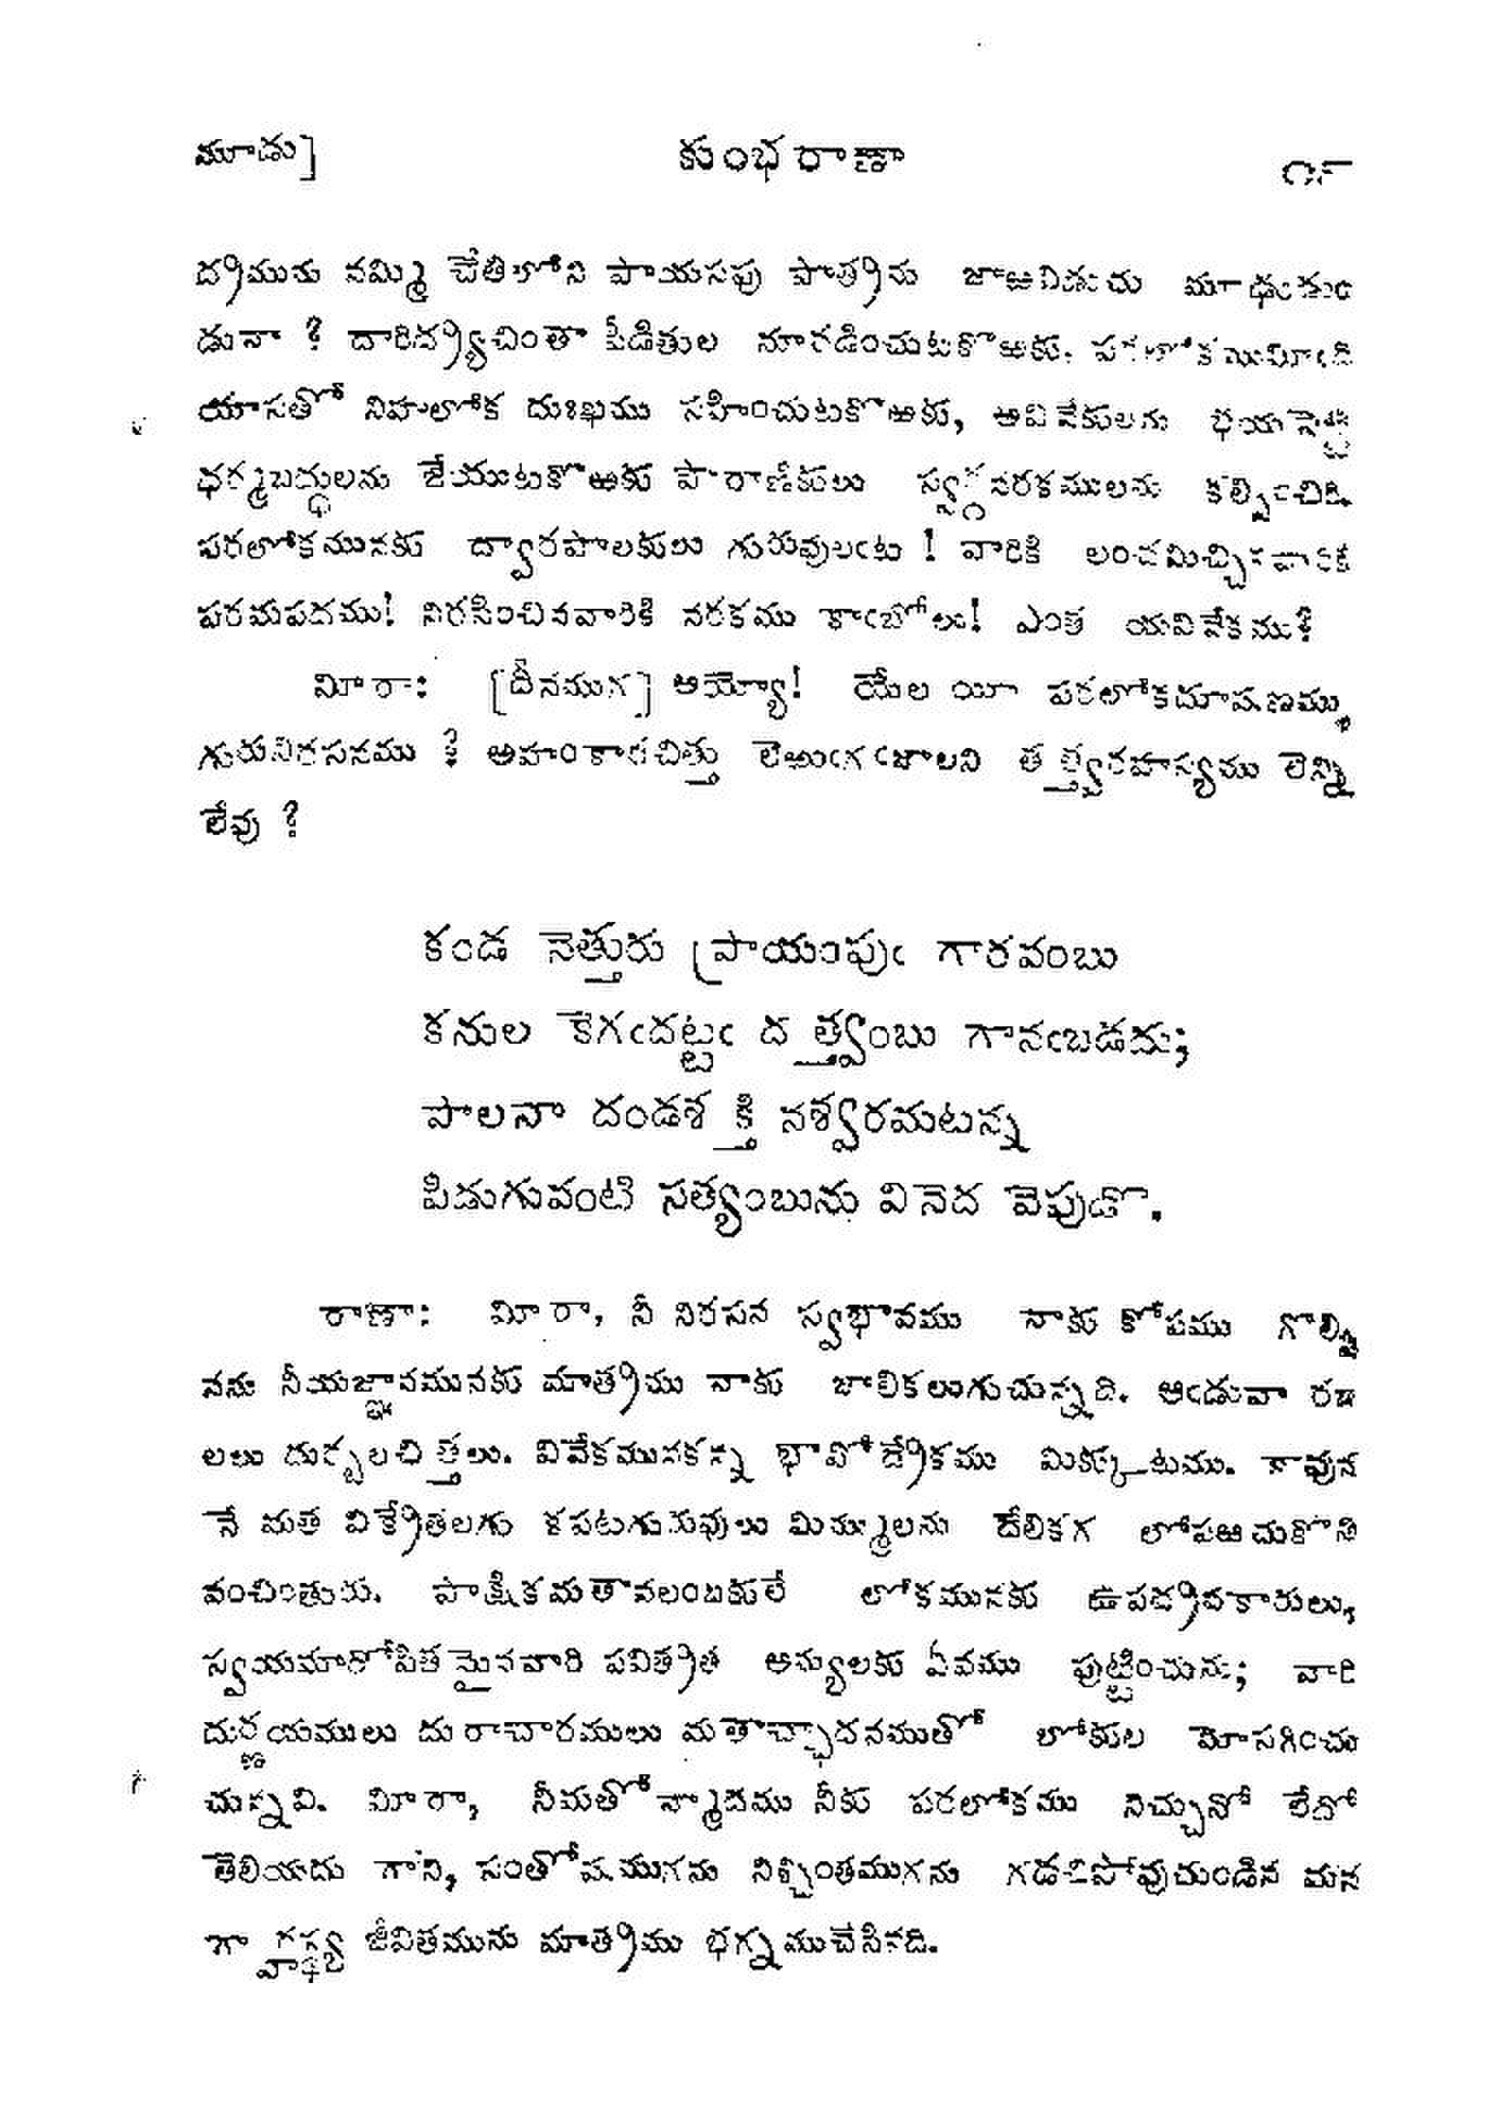ద్రమును నమ్మి చేతిలోని పాయసపు పాత్రను జాఱవిడుచు మూఢుడుండునా ? దారిద్ర్యచింతా పీడితుల నూరడించుటకొఱకు, పరలోకముమీఁది యాసతో నిహలోక దు:ఖము సహించుటకొఱకు, అవివేకులను భయపెట్టి ధర్మబద్ధులను జేయుటకొఱకు పౌరాణికులు స్వర్గనరకములను కల్పించిరి. పరలోకమునకు ద్వారపాలకులు గురువులఁట! వారికి లంచమిచ్చినవారికి పరమపదము ! నిరసించినవారికి నరకము కాఁబోలు ! ఎంత యవివేకము ?

మీరా : [దీనముగ] అయ్యో! యేల యీ పరలోకదూషణము, గురునిరసనము ? అహంకారచిత్తు లెఱుఁగఁజాలని తత్త్వరహస్యము లెన్ని లేవు ?

 కండ నెత్తురు ప్రాయంపుఁ గారవంబు
 కనుల కెగఁదట్టఁ దత్త్వంబు గానఁబడదు;
 పాలనా దండశక్తి నశ్వరమటన్న
 పిడుగువంటి సత్యంబును వినెద వెపుడొ.

రాణా : మీరా, నీ నిరసన స్వభావము నాకు కోపము గొల్పినను నీయజ్ఞానమునకు మాత్రము నాకు జాలికలుగుచున్నది. ఆఁడువా రబలలు దుర్బలచిత్తలు. వివేకమునకన్న భావోద్రేకము మిక్కుటము. కావుననే మత విక్రేతలగు కపటగురువులు మిమ్ములను దేలికగ లోపఱచుకొని వంచింతురు. పాక్షికమతావలంబకులే లోకమునకు ఉపద్రవకారులు, స్వయమారోపితమైనవారి పవిత్రత ఏవము పుట్టించును; వారి దుర్ణయములు దురాచారములు మతాచ్ఛాదసముతో లోకుల మోసగించు చున్నవి. మీరా, నీమతోన్మాదము నీకు పరలోకము నిచ్చునో లేదో తెలియదు గాని, సంతోషముగను నిశ్చింతముగను గడచిపోవుచుండిన మన గార్హస్థ్య జీవితమును మాత్రము భగ్నముచేసినది.